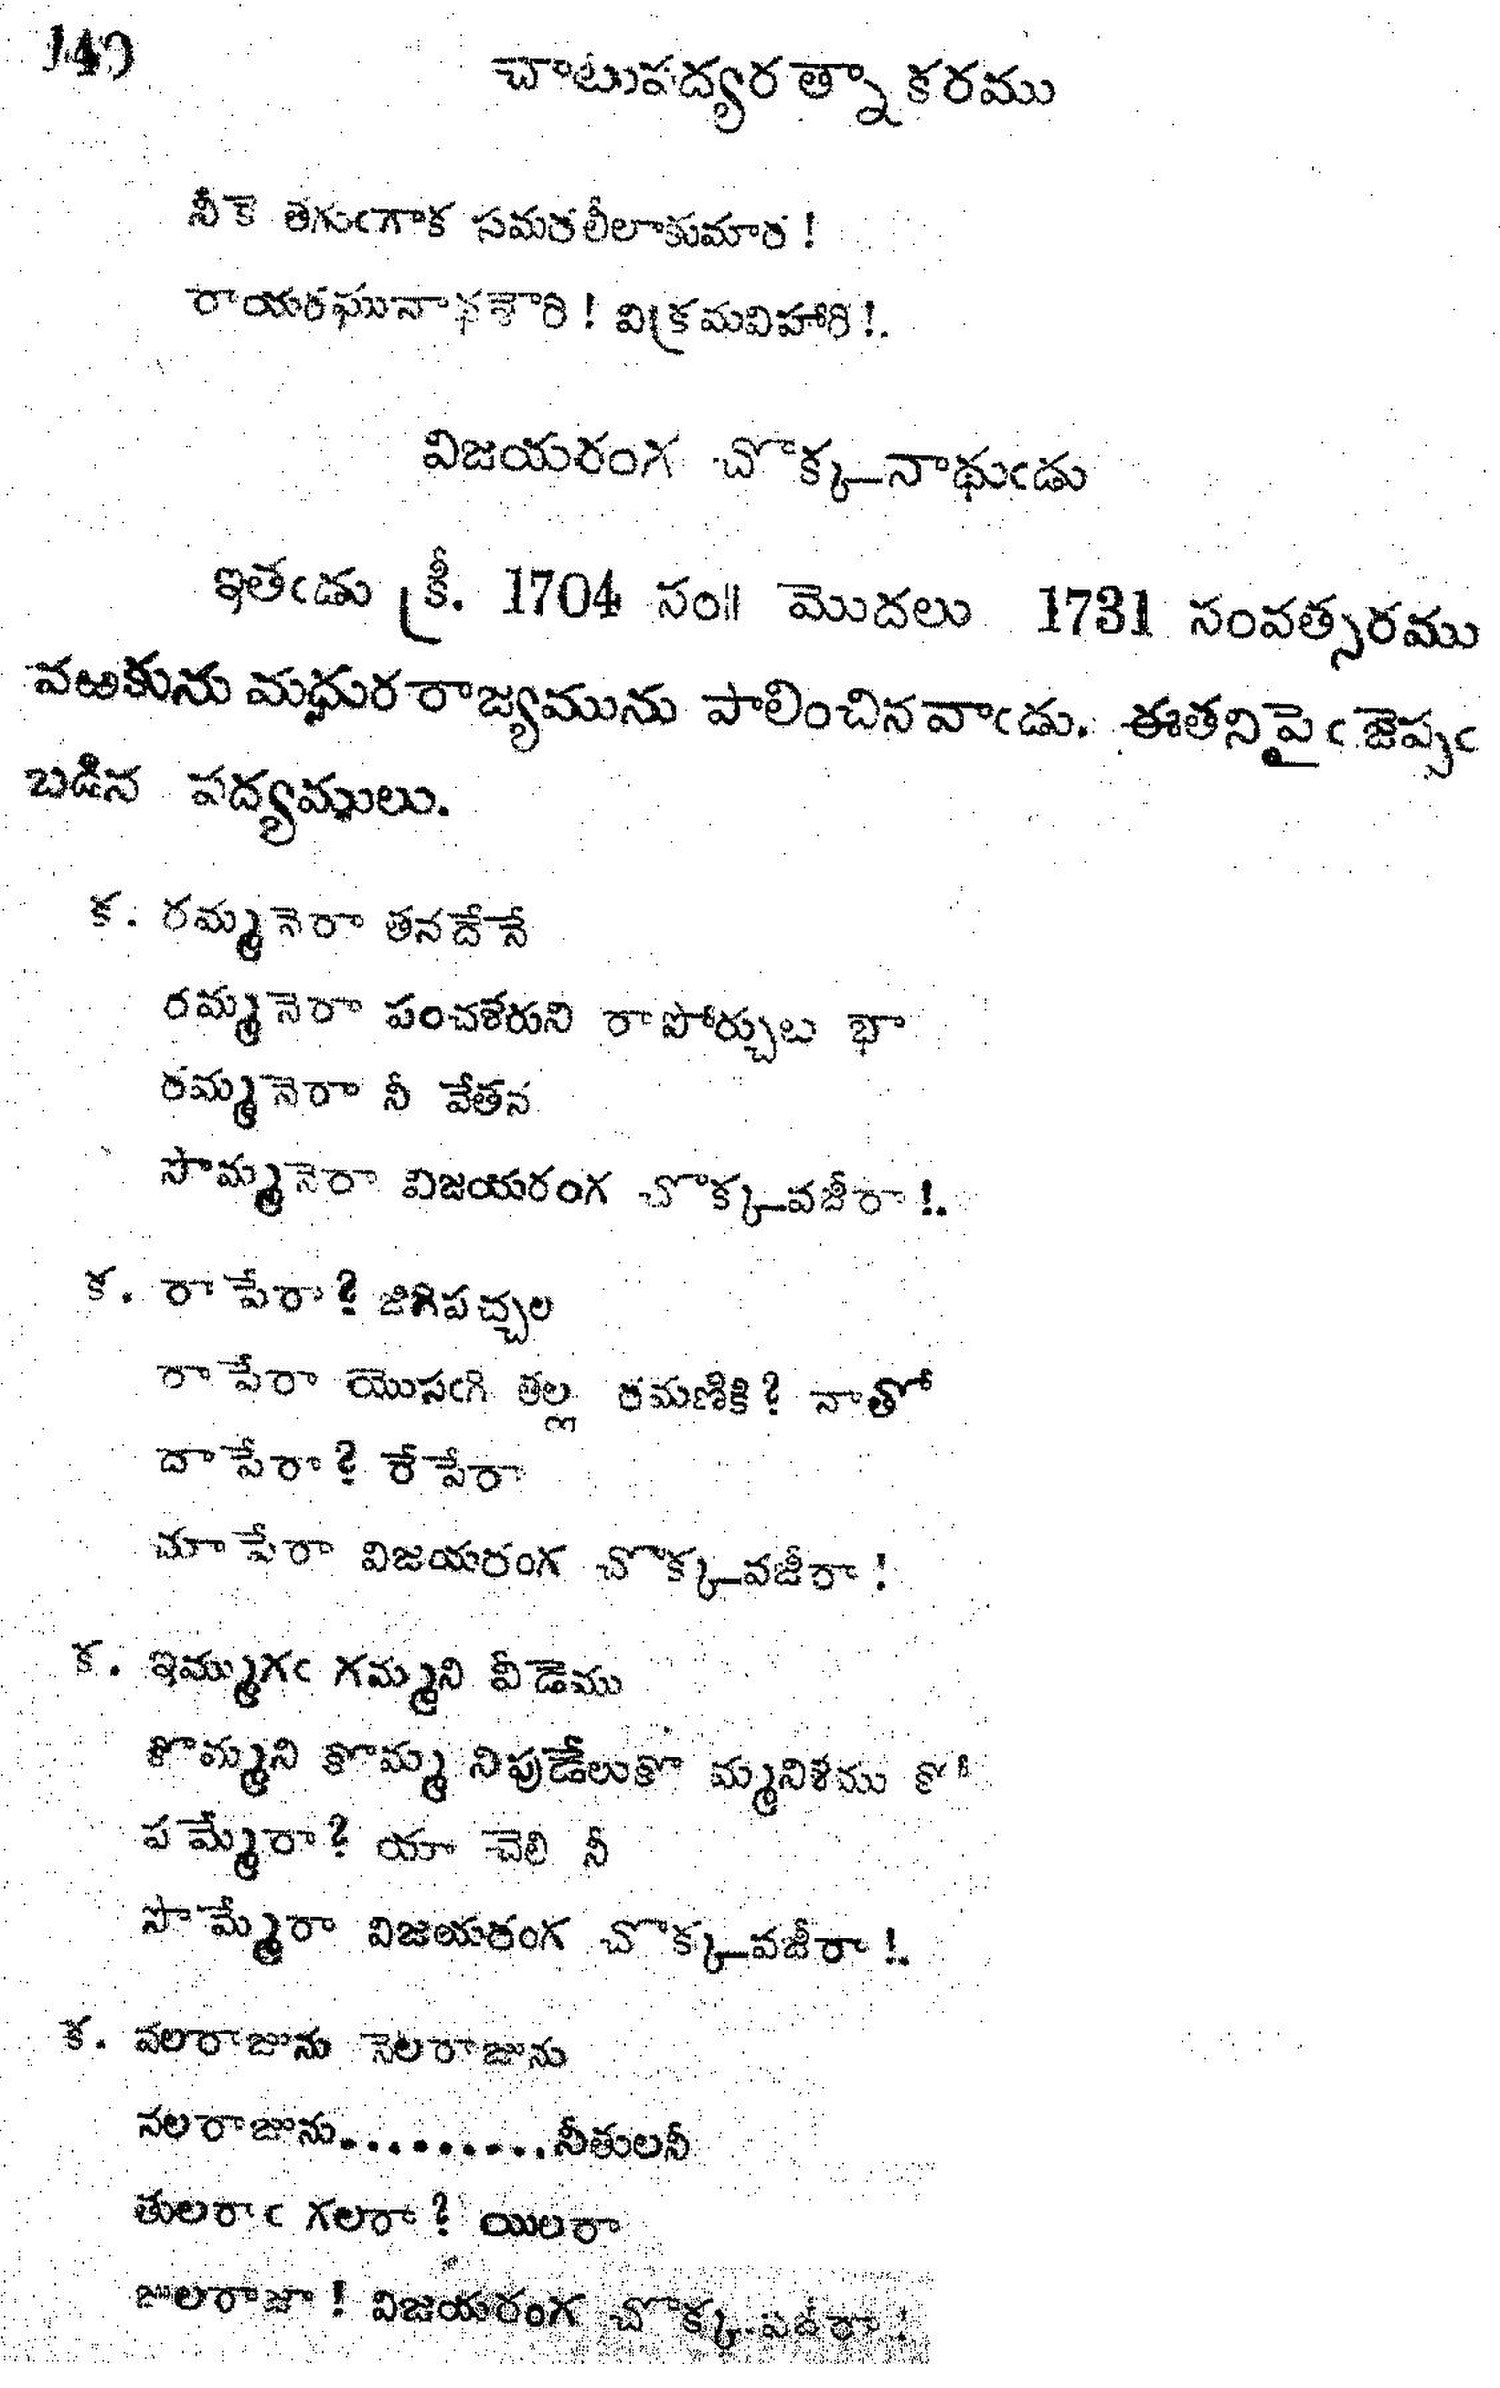నీకె తగుఁగాక సమరలీలాకుమార!
 రాయరఘునాథశౌరి! విక్రమవిహారి!

ఇతఁడు క్రీ.1704సం॥ మొదలు 1731సం॥ వఱకును మధురరాజ్యమును పాలించినవాఁడు.

క. రమ్మనెరా దనదేనే
 రమ్మనెరా పంచశరుని రాపోల్చుట భా
 రమ్మనెరా నీవే తన
 సొమ్మనెరా విజయరంగ చొక్కవజీరా!

క. రాపేరా? జిగిపచ్చల
 రాపేరా యొసఁగితల్ల రమణికి? నతో
 దాపేరా? రేపేరా
 చూపేరా విజయరంగ చొక్కవజీరా!

క. ఇమ్ముగఁ గమ్మని వీడెము
 కొమ్మని కొమ్మ నిపుడేలుకొ మ్మనిసము కో
 పమ్మేరా? యాచెలి నీ
 సొమ్మేరా విజయరంగ చొక్కవజీరా!

క. వలరాజును నెలరాజును
 నలరాజును........................నీతుల నీ
 తులరాఁ గలరా? యిల రా
 జులరాజా! విజయరంగ చొక్కవజీరా!